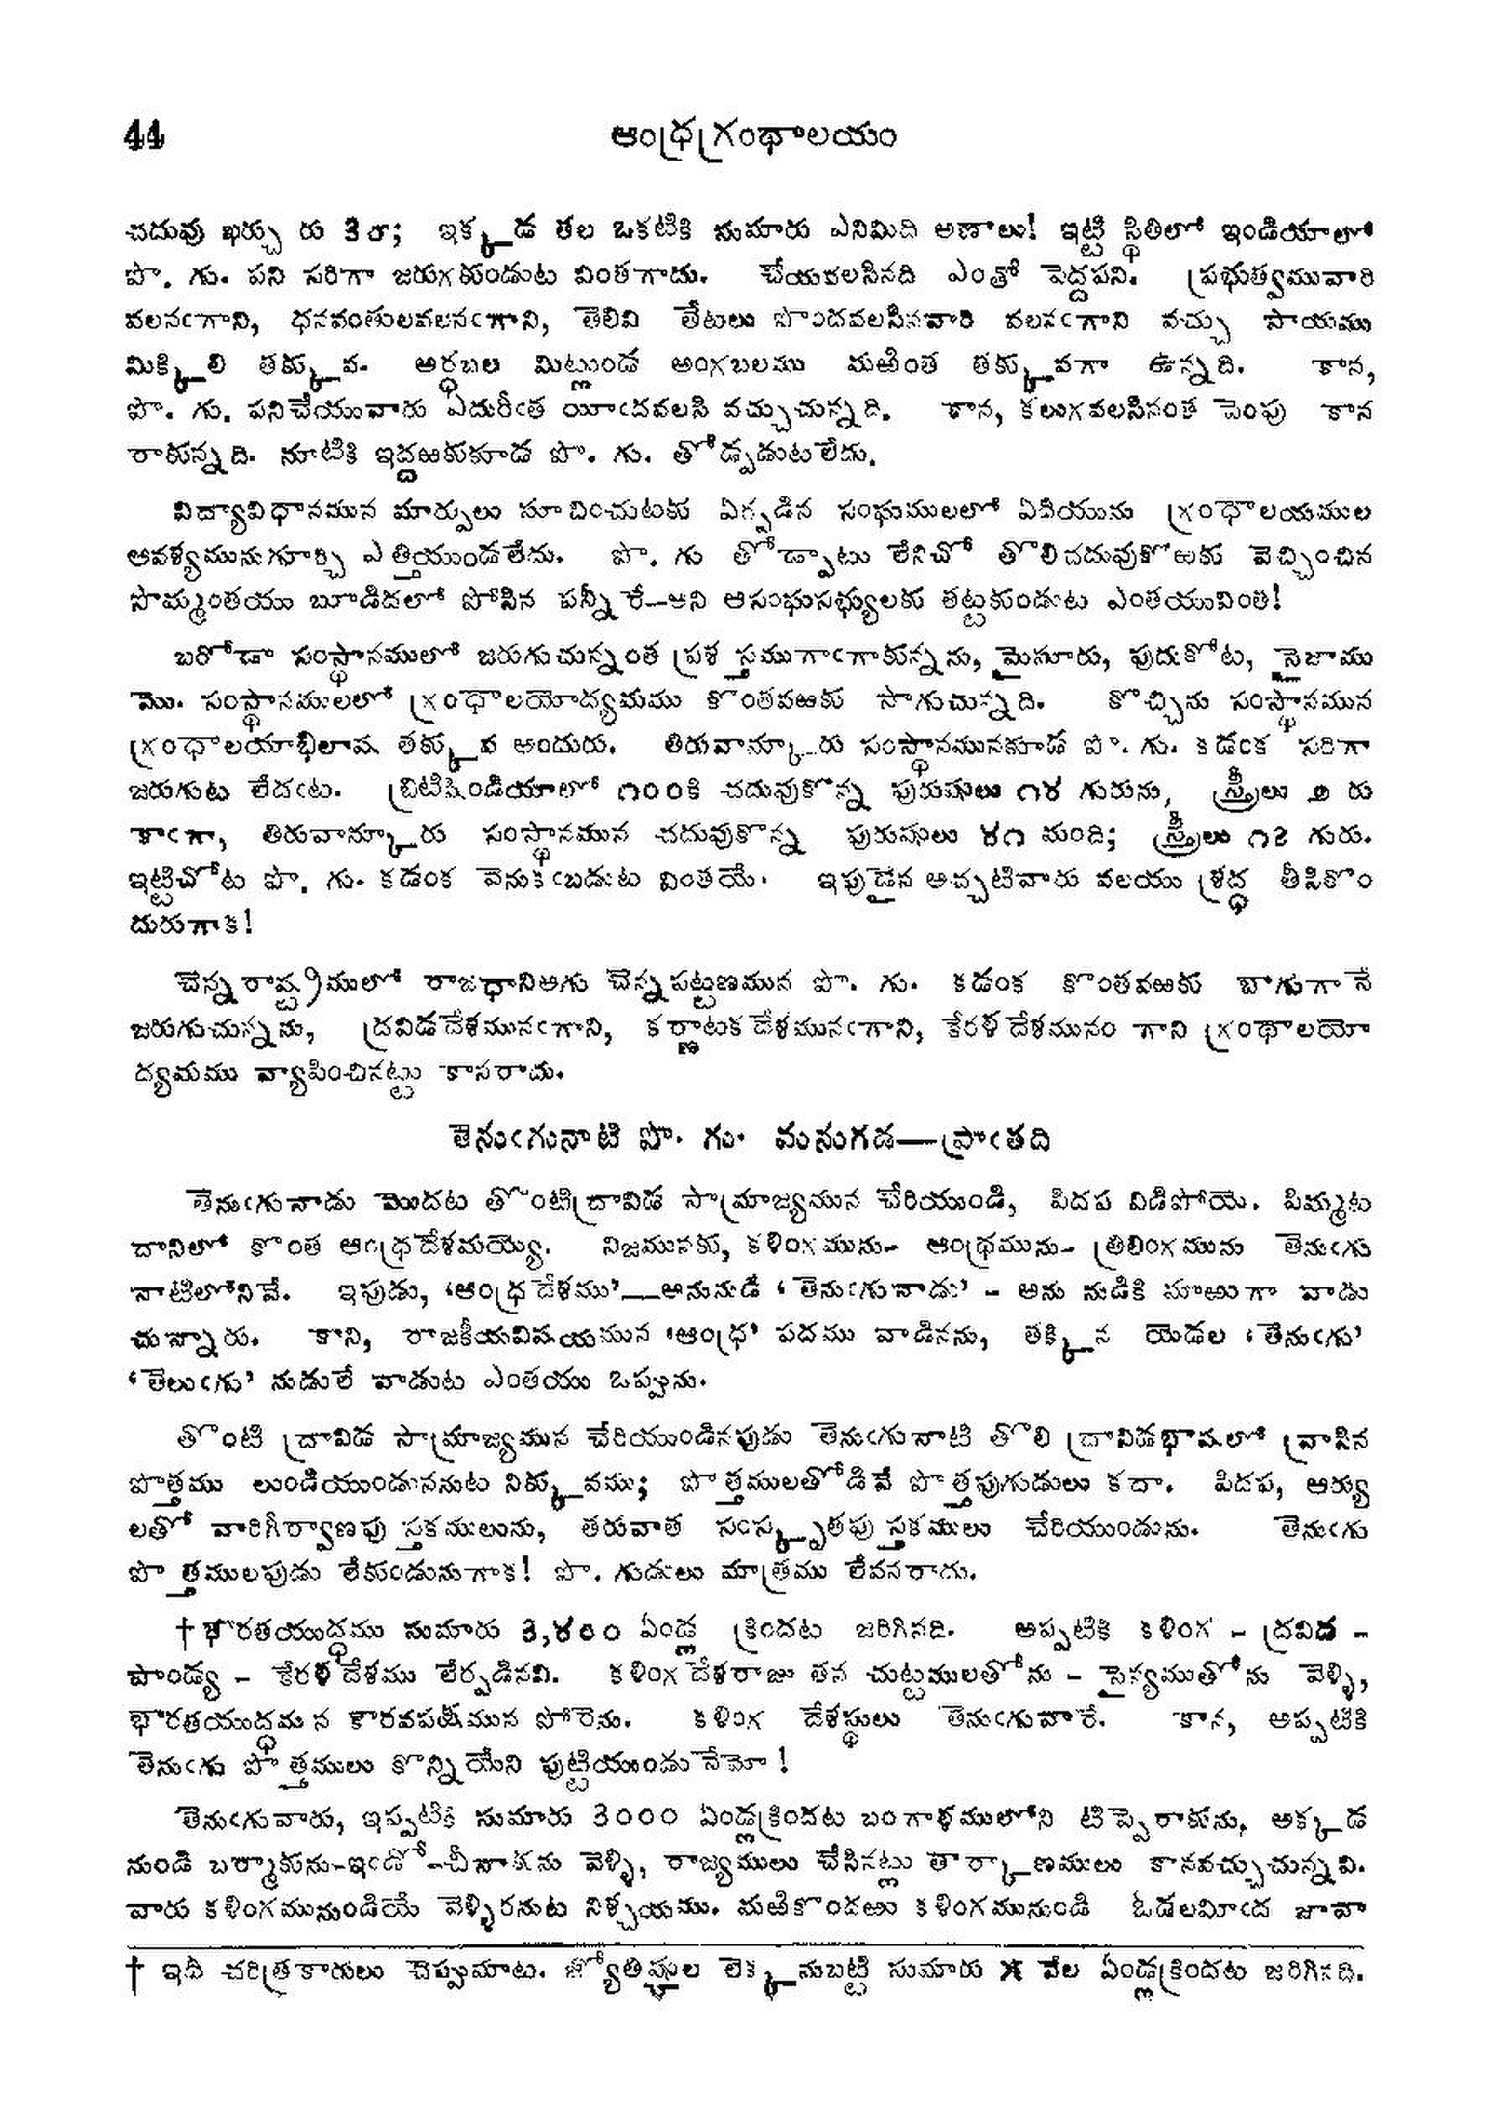చదువు ఖర్చు రు ౩౮; ఇక్కడ తల ఒకటికి సుమారు ఎనిమిది అణాలు! ఇట్టి స్థితిలో ఇండియాలో పొ.గు.పని 
సరిగా జరుగకుండుట వింతగాదు. చేయవలసినది ఎంతో పెద్దపని. ప్రభుత్వమువారి వలనఁగాని, ధనవంతులవలనఁగాని, 
తెలివి తేటలు పొందవలసినవారి వలనఁ గాని వచ్చు సాయము మిక్కిలి తక్కువ. అర్ధబల మిట్లుండ అంగబలము 
మఱింత తక్కువగా ఉన్నది. కాన, పొ.గు. పనిచేయువారు ఏదురీఁత యీఁదవలసి వచ్చుచున్నది. కాన, కలుగవలసిన౦త 
పెంపు కాన రాకున్నది. నూటికి ఇద్దఱకుకూడ పొ.గు. తోడ్పడుటలేదు. 

విద్యావిధానమున మార్పులు సూచించుటకు ఏర్పడిన సంఘములలో ఏదియును గ్రంధాలయముల అవశ్యమును గూర్చి 
ఎత్తియుండలేదు. పొ.గు.తోడ్పాటు లేనిచో తొలి చదువుకోఱలకు వెచ్చించిన సొమ్మంతయు బూడిదలో పోసిన 
పన్నీరే-అని ఆసంఘసభ్యులకు తట్టకుండుట ఎంతయువింత!

బరోడా సంస్థానములో జరుగు చున్నంత ప్రశస్తముగాఁగాకున్నను, మైసూరు, పుదుకోట, నైజాము మొ.సంస్థానములలో
గ్రంథాలయోద్యమము కొంతవఱకు సాగుచున్నది. కొచ్చిను సంస్థానమున గ్రంధాలయాభిలాష తక్కువ అందురు. 
తిరువాన్కూరు సంస్థానమున కూడ పొ.గు. కడఁక సరిగా జరుగుట లేదఁట. బ్రిటిషిండియాలో ౧౧౧కి చదువుకొన్న 
పురుషులు గురును, స్త్రీలు ౨ గురు. తిరువాన్కూరు సంస్థానమున చదువుకొన్న పురుషులు ౪౧ మంది; 
స్త్రీలా ౧౭ గురు. ఇట్టిచోట పొ.గు.కడంక వెనుకఁబడుట వింతయే. ఇపుడైన అచ్చటివారు వలయు శ్రద్ధ 
తీసికొందురుగాక! 

చెన్నరాష్ట్రములో రాజధానిఅగు చెన్నపట్టణమున పొ.గు. కడంక కొంతవఱకు బాగుగానే జరుగుచున్నను, 
ద్రవిడ దేశమునఁగాని, కర్ణాటక దేశమునఁగాని, కేరళ దేశమునం గాని గ్రంథాలయోద్యమము వ్యాపించినట్టు కాసరాదు.

తెనుఁగునాడు మొదట తొంటిద్రావిడ సామ్రాజ్యమున చేరియుండి, పిదప విడిపోయే, పిమ్మట దానిలో కొంత 
ఆంధ్రదేశమయ్యె. నిజమునకు, కళింగమును - ఆంధ్రమును - త్రిలింగమును తెనుఁగు నాటిలోనివే. ఇపుడు, 
‘ఆంధ్ర దేశము' అనునుడే ' తెనుఁగునాడ:’ ఆను నుడికి నూఱుగా వాడు చున్నారు. కాని, రాజకీయవిషయమున 
'ఆంధ్ర' పదము వాడినను, తక్కిన యెడల ' తెనుఁగు' 'తెలుఁగు' నుడులే వాడుట ఎంతయు ఒప్పును.

తొంటి ద్రావిడ సామ్రాజ్యమున చేరియుండినపుడు తెనుఁగునాటి తొలి ద్రావిడభాషలో వ్రాసిన పొత్తము 
లుండియుండుననుట నిక్కువము; పొత్తములతోడివే పొత్తపుగుడులు కదా. పిదప, ఆర్యు లతో వారిగీర్వాణ
పుస్తకములును, తరువాత సంస్కృతపుస్తకములు చేరియుండును. తెనుఁగు పొత్తములపుడు లేకుండునుగాక! 
పొ.గుడులు మాత్రము లేవనరాదు.

భారతయుద్ధము సుమారు ౩,౪౦౦ ఏండ్ల క్రిందట జరిగినది. అప్పటికి కళింగ-ద్రవిడ-పాండ్య - కేరళదేశము 
లేర్పడినవి. కళింగదేశరాజు తన చుట్టములతోను - సైన్యముతోను వెళ్ళి,భారతయుద్ధమన కౌరవ పక్షమున పోరెను. 
కళింగ దేశస్థులు తెనుఁగువారే. కానీ, అప్పటికి తెనుఁగు పొత్తములు కొన్ని యేని పుట్టియుండునేమో!

తెనుఁగువారు, ఇప్పటికి సుమారు ౩౦౦౦ ఏండ్ల క్రిందట బంగాళములోని టిప్పెరాకును, అక్కడ నుండి బర్మాకును-ఇండో-చీనాకను వెళ్ళి, రాజ్యములు చేసినట్లు తార్కాణములు కానవచ్చుచున్నవి. వారు కళింగమునుండియే వెళ్ళిరనుట నిశ్చయము. మఱికొందఱు కళింగమునుండి ఓడలమీఁద జావా